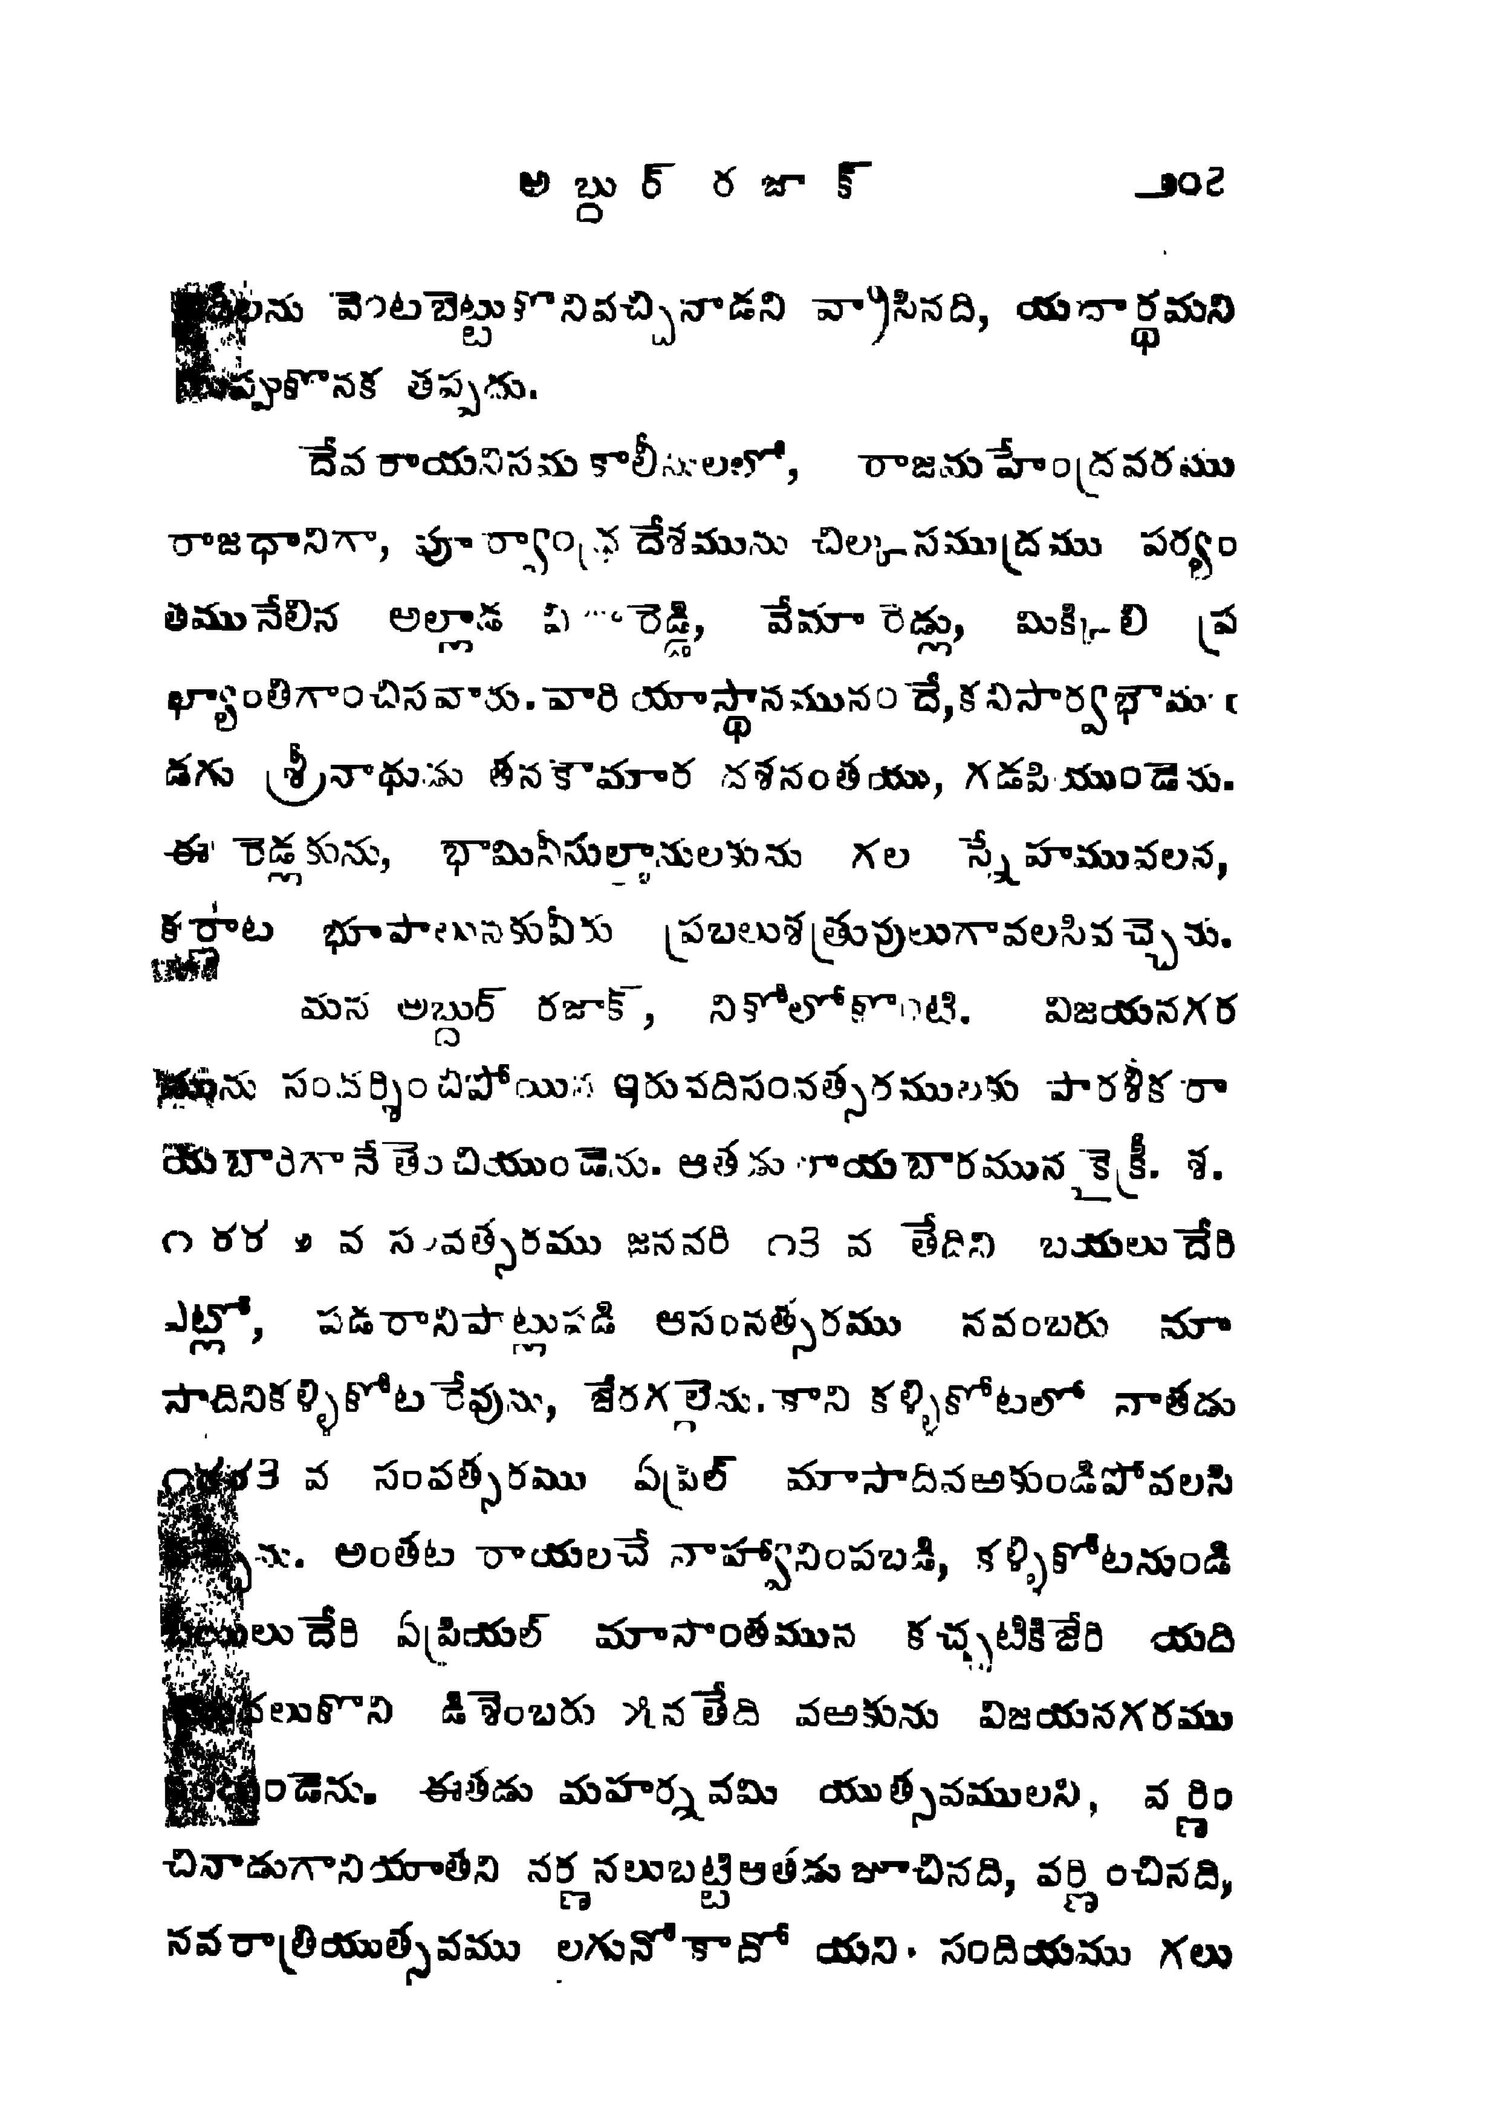వీరులను వెంటబెట్టుకొని వచ్చినాడని వ్రాసినది, యదార్థమని యొప్పుకొనక తప్పదు.

దేవరాయని సమకాలీనులలో, రాజమహేంద్రవరము రాజధానిగా, పూర్వాంధ్రదేశమును చిల్కసముద్రము పత్యంతమునేలిన అల్లాడ వీరారెడ్డి, వేమారెడ్లు, మిక్కిలి ప్రఖ్యాంతిగాంచినవారు. వారి యాస్థానమునందే, కవిసార్వభౌముడగు శ్రీనాథుడు తనకౌమార దశనంతయు, గడపి యుండెను. ఈ రెడ్లకును, భామినీ సుల్తానులకును గల స్నేహమువలన, కర్ణాట భూపాలునకు వీరు ప్రబలుశత్రువులుగావలసివచ్చెను.

మన అబ్దుర్ రజాక్, నికోలోకొంటి, విజయనగరమును సందర్శించి పోయిన ఇరువది సంవత్సరములకు పారశీక రాయబారిగా నేతెంచి యుండెను. ఆతడు రాయబారమునకై క్రీ.శ. 1442 వ సంవత్సరము జనవరి 13 వ తేదిని బయలుదేరి ఎట్లో, పడరాని పాట్లుపడి ఆసంవత్సరము నవంబరు మాసాదిని కళ్ళికోట రేవును, జేరగల్గెను. కాని కళ్ళికోటలో నాతడు 1443 వ సంవత్సరము ఏప్రిల్ మాసాదివఱకుండి పోవలసివచ్చెను. అంతట రాయలచే నాహ్వానింపబడి, కళ్ళికోటనుండి బయలుదేరి ఏప్రియల్ మాసాంతమున కచ్చటికిజేరి యది మొదలుకొని డిశెంబరు 5 వ తేది వఱకును విజయనగరము నందుండెను. ఈతడు మహర్నవమి యుత్సవములని, వర్ణించినాడుగాని యాతని వర్ణనలుబట్టి ఆతడు జూచినది, వర్ణించినది, నవరాత్రియుత్సవము లగునోకాదో యని సందియము గలు